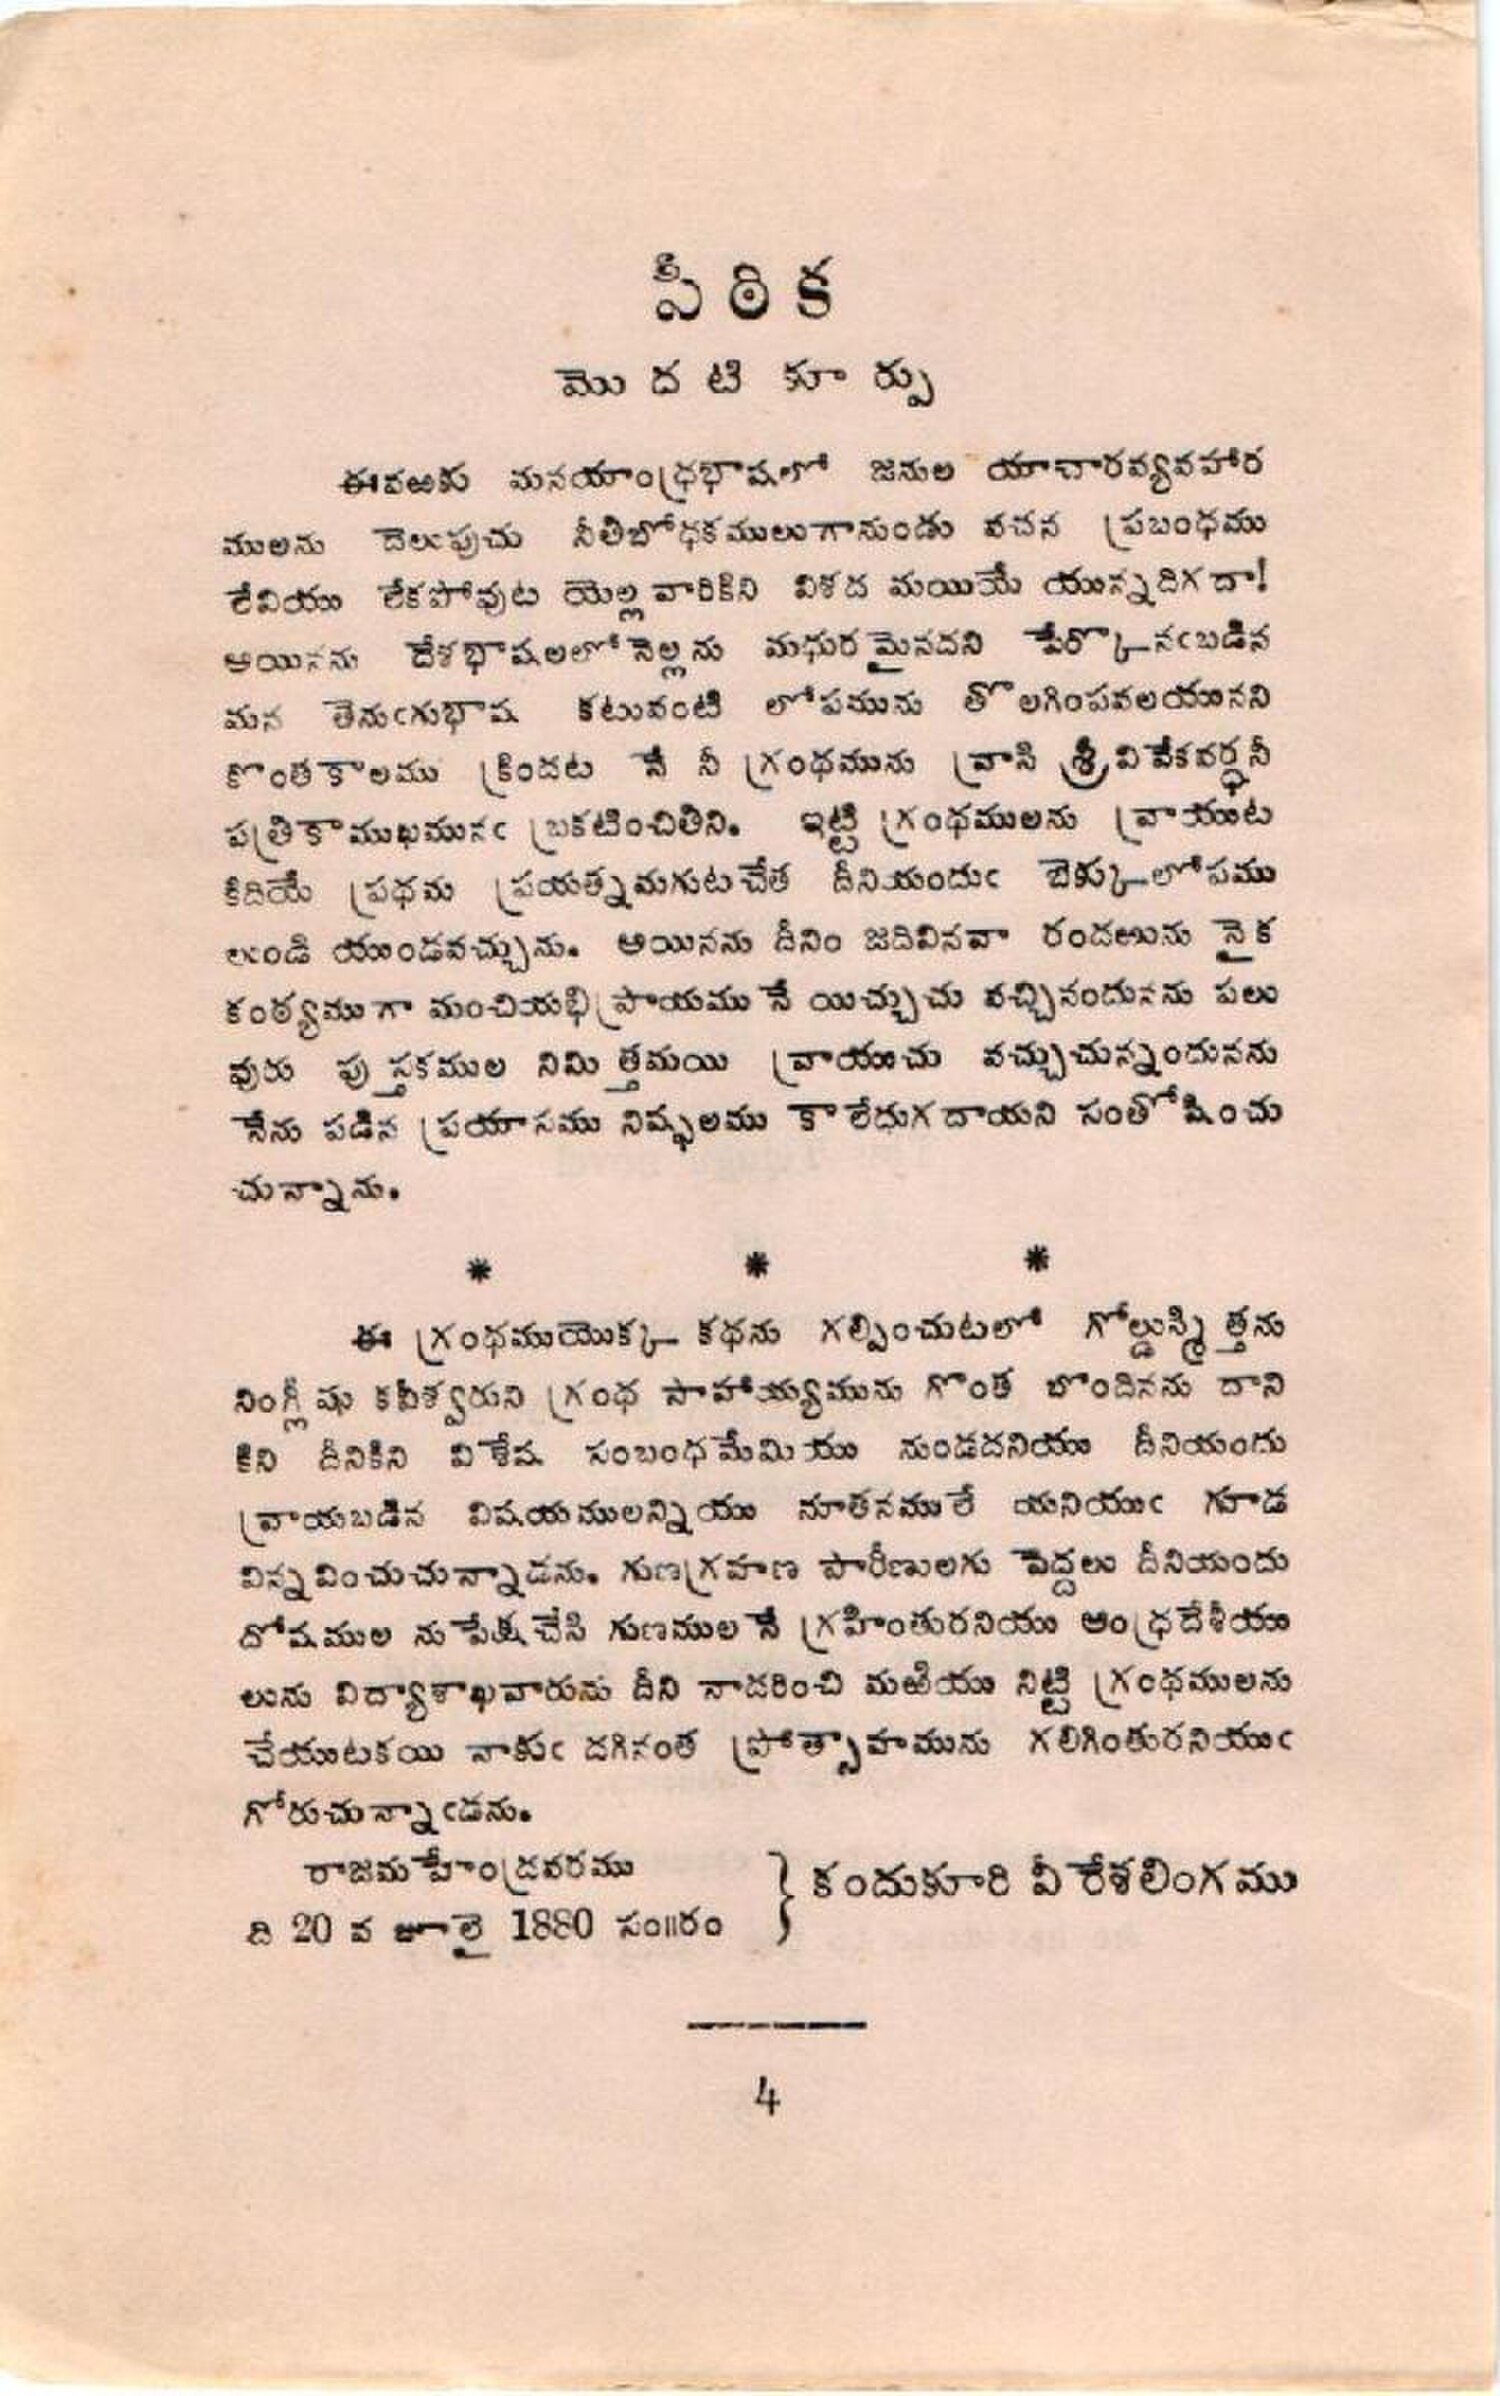ఈవఱకు మనయాంధ్రభాషలో జనుల యాచార వ్యవహారములను దెలుపుచు నీతిబోధకములుగానుండు వచన ప్రబంధము లేవియు లేకపోవుట యెల్ల వారికిని విశద మయియే యున్నదిగదా! అయినను దేశభాషలలో నెల్లను మధురమైనదని పేర్కొనఁబడిన మన తెనుఁగుభాష కటువంటి లోపమును తొలగింపవలయునని కొంత కాలము క్రిందట నే నీ గ్రంథమును వ్రాసి శ్రీవివేకవర్ధనీ పత్రికా ముఖమునఁ బ్రకటించితిని, ఇట్టు గ్రంథములను వ్రాయుట కిదియే ప్రథమ ప్రయత్నమగుటచేత దీనియందుఁ బెక్కులోపము లుండి యుండవచ్చును. ఆయినను దీనిం జదివినవా రందఱును నైక కంఠ్యముగా మంచియభిప్రాయమునే యిచ్చుచు వచ్చినందునను పలువురు పుస్తకముల నిమిత్తమయి వ్రాయుచు వచ్చుచున్నందునను నేను పడిన ప్రయాసము నిష్ఫలము కాలేదుగదాయని సంతోషించు చున్నాను.

ఈ గ్రంథముయొక్క కథను గల్పించుటలో గోల్డుస్మిత్తను నింగ్లీషు కవీశ్వరుని గ్రంథ సాహాయ్యమును గొంత బొందినను దాని కిని దీనికిని విశేష సంబంధమేమియు నుండదనియు దీనియందు వ్రాయబడిన విషయములన్నియు నూతనములే యనియుఁ గూడ విన్నవించుచున్నాడను. గుణగ్రహణ పారీణులగు పెద్దలు దీనియందు దోషముల నుపేక్షచేసి గుణముల నే గ్రహింతురనియు ఆంధ్రదేశీయులును విద్యాశాఖవారును దీని నాదరించి మఱియు నిట్టి గ్రంథములను చేయుటకయి నాకుఁ దగినంత ప్రోత్సాహమును గలిగింతురనియుఁ గోరుచున్నాఁడను.

రాజమహేంద్రవరము కందుకూరి వీరేశలింగముది 20 వ జూలై 1880 సం॥రం